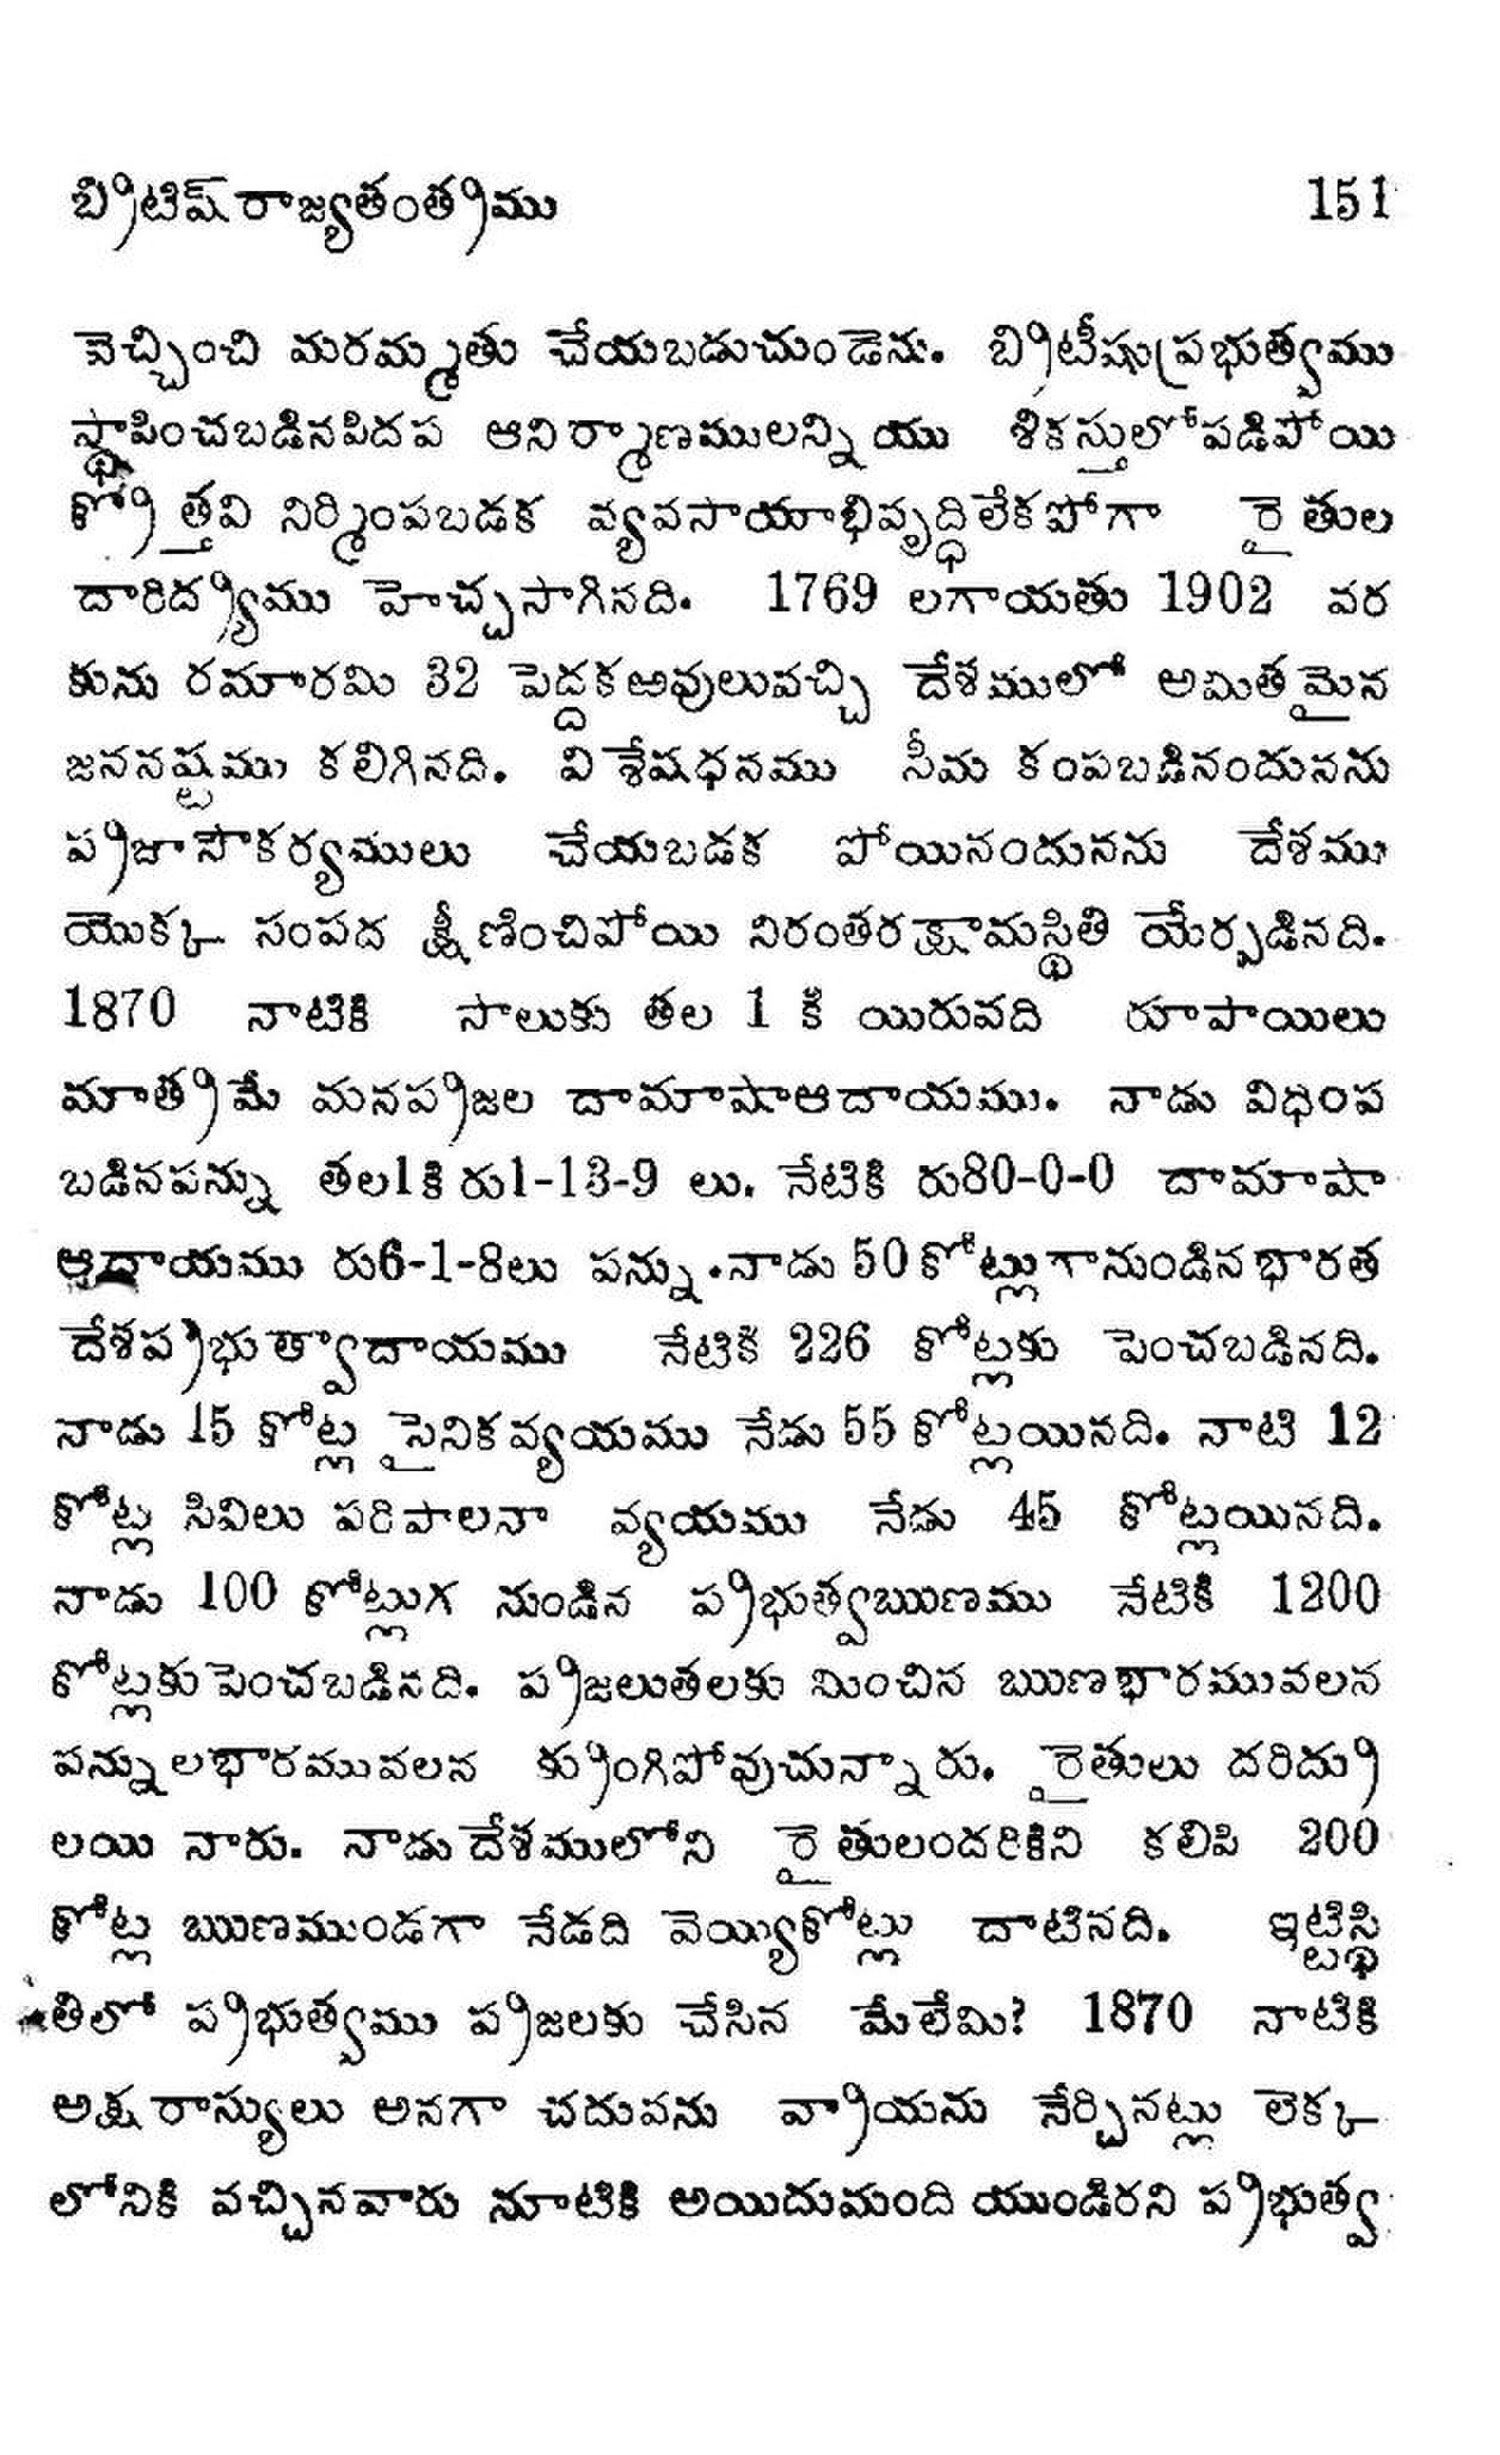వెచ్చించి మరమ్మతు చేయబడుచుండెను. బ్రిటీషుప్రభుత్వము స్థాపించబడినపిదప ఆనిర్మాణములన్నియు శికస్తులో పడిపోయి క్రొత్తవి నిర్మింపబడక వ్యవసాయాభివృద్ధిలేకపోగా రైతుల దారిద్ర్యము హెచ్చసాగినది. 1769 లగాయతు 1902 వరకును రమారమి 32 పెద్దకఱవులువచ్చి దేశములో అమితమైన జననష్టము కలిగినది. విశేషధనము సీమ కంపబడినందునను ప్రజాసౌకర్యములు చేయబడక పోయినందునను దేశముయొక్క సంపద క్షీణించిపోయి నిరంతరక్షామస్థితి యేర్పడినది. 1870 నాటికి సాలుకు తల 1 కి యిరువది రూపాయిలు మాత్రమే మనప్రజల దామాషాఆదాయము. నాడు విధింపబడినపన్ను తల1కి రు1-13-9 లు. నేటికి రు80-0-0 దామాషా ఆదాయము రు6-1-8లు పన్ను . నాడు 50 కోట్లుగానుండిన భారతదేశప్రభుత్వాదాయము నేటికి 226 కోట్లకు పెంచబడినది. నాడు 15 కోట్ల సైనికవ్యయము నేడు 55 కోట్లయినది. నాటి 12 కోట్ల సివిలు పరిపాలనా వ్యయము నేడు 45 కోట్లయినది. నాడు 100 కోట్లుగా నుండిన ప్రభుత్వఋణము నేటికి 1200 కోట్లకుపెంచబడినది. ప్రజలుతలకు మించిన ఋణభారమువలన పన్నులభారమువలన క్రుంగిపోవుచున్నారు. రైతులు దరిద్రులయి నారు. నాడుదేశములోని రైతులందరికిని కలిపి 200 కోట్ల ఋణముండగా నేడది వెయ్యికోట్లు దాటినది. ఇట్టిస్థితిలో ప్రభుత్వము ప్రజలకు చేసిన మేలేమి? 1870 నాటికి
అక్షరాస్యులు అనగా చదువను వ్రాయను నేర్చినట్లు లెక్కలోనికి వచ్చినవారు నూటికి అయిదుమంది యుండిరని ప్రభుత్వ